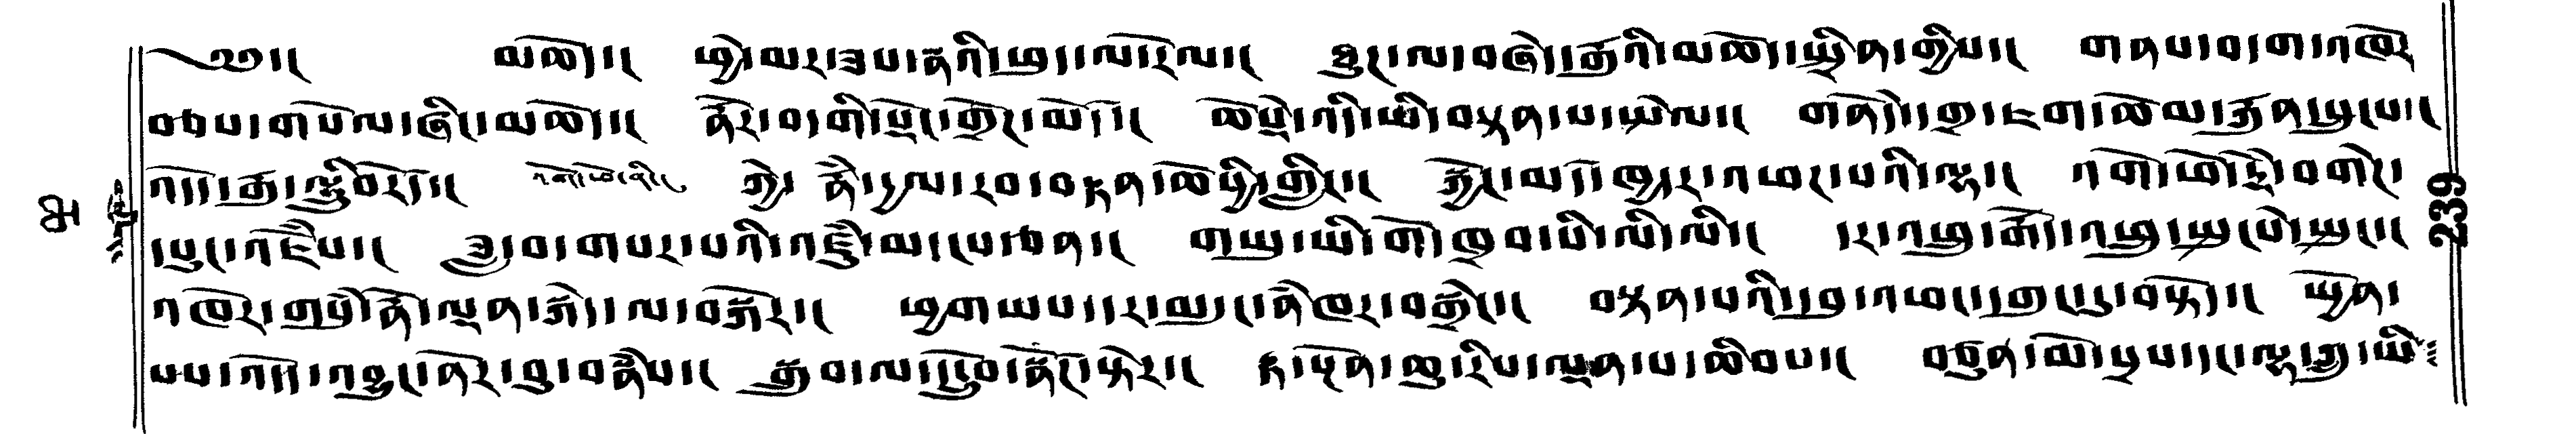མཆོད། །ཕྱེ་མར་ཟས་སྣའི་ཕུད་ལ་རོལ། །ཐུགས་ལ་བཞེད་རྒུའི་མཆོད་སྤྲིན་གྱིས། །གནས་བདག་འཁོར་
བཅས་གསོལ་ཞིང་མཆོད། །རྣལ་འབྱོར་བདག་གི་སྡོང་གྲོགས་མཛོད། །ཆོས་སྡེ་འདི་ཡི་བསྟན་པ་སྤེལ། །གནོད་བྱེད་དགྲ་ཇག་ཆོམ་རྐུན་སྲུངས། །
འདོད་རྒུ་ལྷུན་གྱིས་འགྲུབ་པར་མཛོད། ། འགོ་ཕོ་ནི། ཀྱཻ། རྣམ་རྒྱལ་རབ་རྟན་ཆོས་ཀྱི་གླིང་། །སྐྱོང་མཛད་ཁྱད་པར་འཕགས་པའི་ལྷ། །འགོ་ཕོ་རྡོ་རྗེ་བགེགས་
དཔུང་འཇོམས། །ཟླ་བ་གསར་པའི་འཛུམ་མདངས་ཅན། །གཡུ་ཡི་གོ་ཁྲབ་སི་ལི་ལི། །དར་འཕྲུ་རྒོད་འཕྲུ་སྤུངས་སེ་སྤུང་། །
འཁོར་གསུམ་རྣོ་ལྡན་སྐེད་ལ་བསྐོར། །ཕྱག་གཡས་དར་མདུང་ནམ་མཁར་བསྒྲེང་། །བསྟན་པའི་དབུ་འཕང་དགུང་དུ་བསྟོད། །གཡོན་
པས་འདོད་འབྱུང་ནོར་བུ་བསྣམས། །སྒྲུབ་ལ་དངོས་གྲུབ་སྣ་ཚོགས་སྟེར། །རྟ་སྔོན་ཆུ་རིས་ལྡན་པ་ཆིབས། །བཙུན་མོ་སྲས་དང་ལྷ་ཀླུ་ཡི།